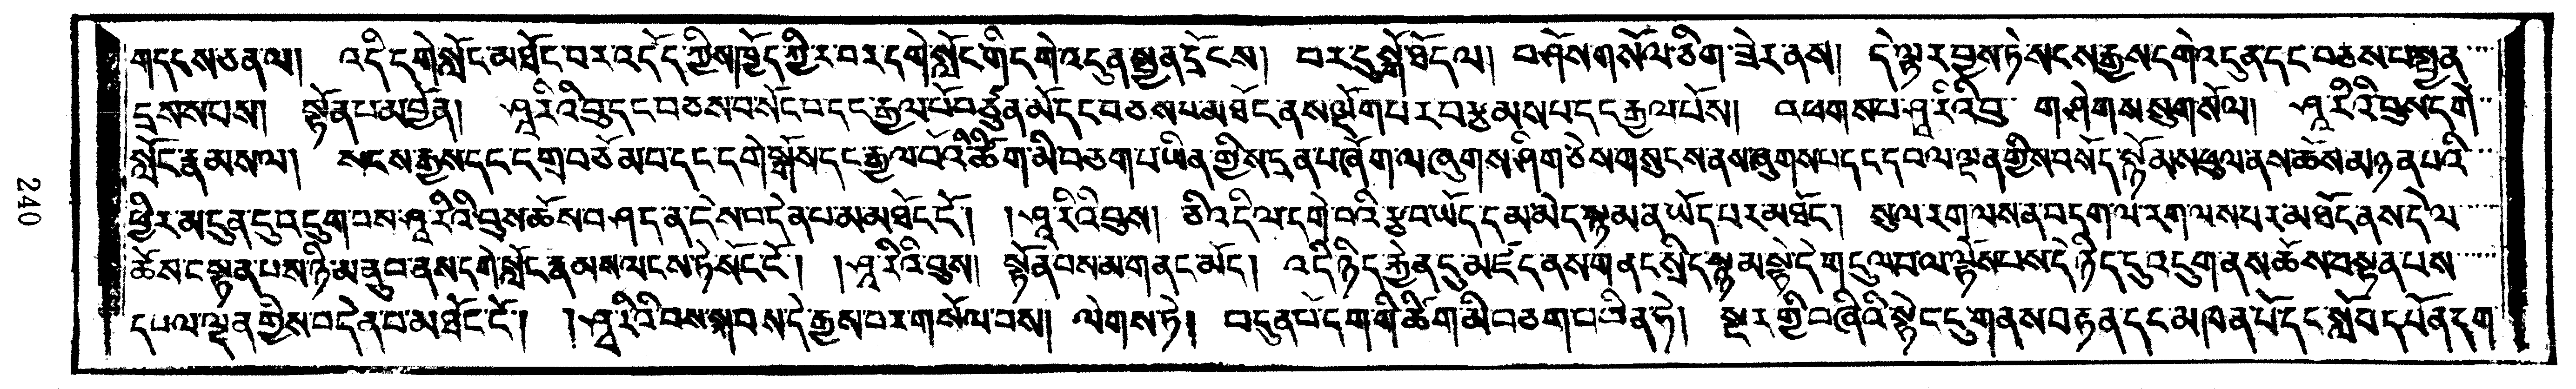གདངས་ཅན་ལ། འདི་དགེ་སློང་མཐོང་བར་འདོད་ཀྱིས་ཁྱོད་ཀྱི་ར་བར་དགེ་སློང་གི་དགེ་འདུན་སྤྱན་དྲོངས། བར་དུ་སྒོ་ཐོད་ལ། བཤོས་གསོལ་ཅིག་ཟེར་ནས། དེ་ལྟར་བྱས་ཏེ་སངས་རྒྱས་དགེ་འདུན་དང་བཅས་པ་སྤྱན་
དྲངས་པས། སྟོན་པ་མ་བྱོན། ཤའྲིའི་བུ་དང་བཅས་བ་སོང་བ་དང་རྒྱལ་པོ་བཙུན་མོ་དང་བཅས་པ་མཐོང་ནས་ལྡོག་པར་བརྩམས་པ་དང་རྒྱལ་པོས། འཕགས་པ་ཤཱ་རིའི་བུ་གཤེགས་སུ་གསོལ། ཤཱ་རིའི་བུས་དགེ་
སློང་རྣམས་ལ། སངས་རྒྱས་དང་དགྲ་བཅོམ་པ་དང་དགེ་སྒོས་དང་རྒྱལ་པོའི་ཚིག་མི་བཅག་པ་ཡིན་གྱིས་དྲན་པ་ཞོག་ལ་ཞུགས་ཤིག་ཅེས་གསུངས་ནས་ཞུགས་པ་དང་དཔལ་ལྡན་གྱིས་བསོད་སྙོམས་ཕུལ་ནས་ཆོས་མཉན་པའི་
ཕྱིར་མདུན་དུ་འདུག་པས་ཤཱ་རིའི་བུས་ཆོས་བཤད་ན་དེས་བདེན་པ་མ་མཐོང་ངོ། །ཤཱ་རིའི་བུས། ཅི་འདི་ལ་དགེ་བའི་རྩ་བ་ཡོད་དམ་མེད་སྙམ་ན་ཡོད་པར་མཐོང་། སུ་ལ་རག་ལས་ན་བདག་ལ་རག་ལས་པར་མཐོང་ནས་དེ་ལ་
ཆོས་བསྟན་པས་ཉི་མ་ནུབ་ནས་དགེ་སློང་རྣམས་ལངས་ཏེ་སོང་ངོ། །ཤཱ་རིའི་བུས། སྟོན་པས་མ་གནང་མོད། འདི་ཉིད་རྐྱེན་དུ་མཛད་ནས་གནང་སྲིད་སྙམ་སྟེ་དེ་གདུལ་བ་ལ་ལྟོས་པས་དེ་ཉིད་དུ་འདུག་ནས་ཆོས་བསྟན་པས་
དཔལ་ལྡན་གྱིས་བདེན་པ་མཐོང་ངོ། །ཤྭ་རིའི་བས་སྐབས་དེ་རྒྱས་བར་གསོལ་བས། ལེགས་ཏེ། བདུན་པོ་དག་གི་ཚིག་མི་བཅག་པ་ཟིན་ཏེ། སྔར་གྱི་བཞིའི་སྟེང་དུ་གནས་བརྟན་དང་མཁན་པོ་དག་སློབ་དཔོན་དག་